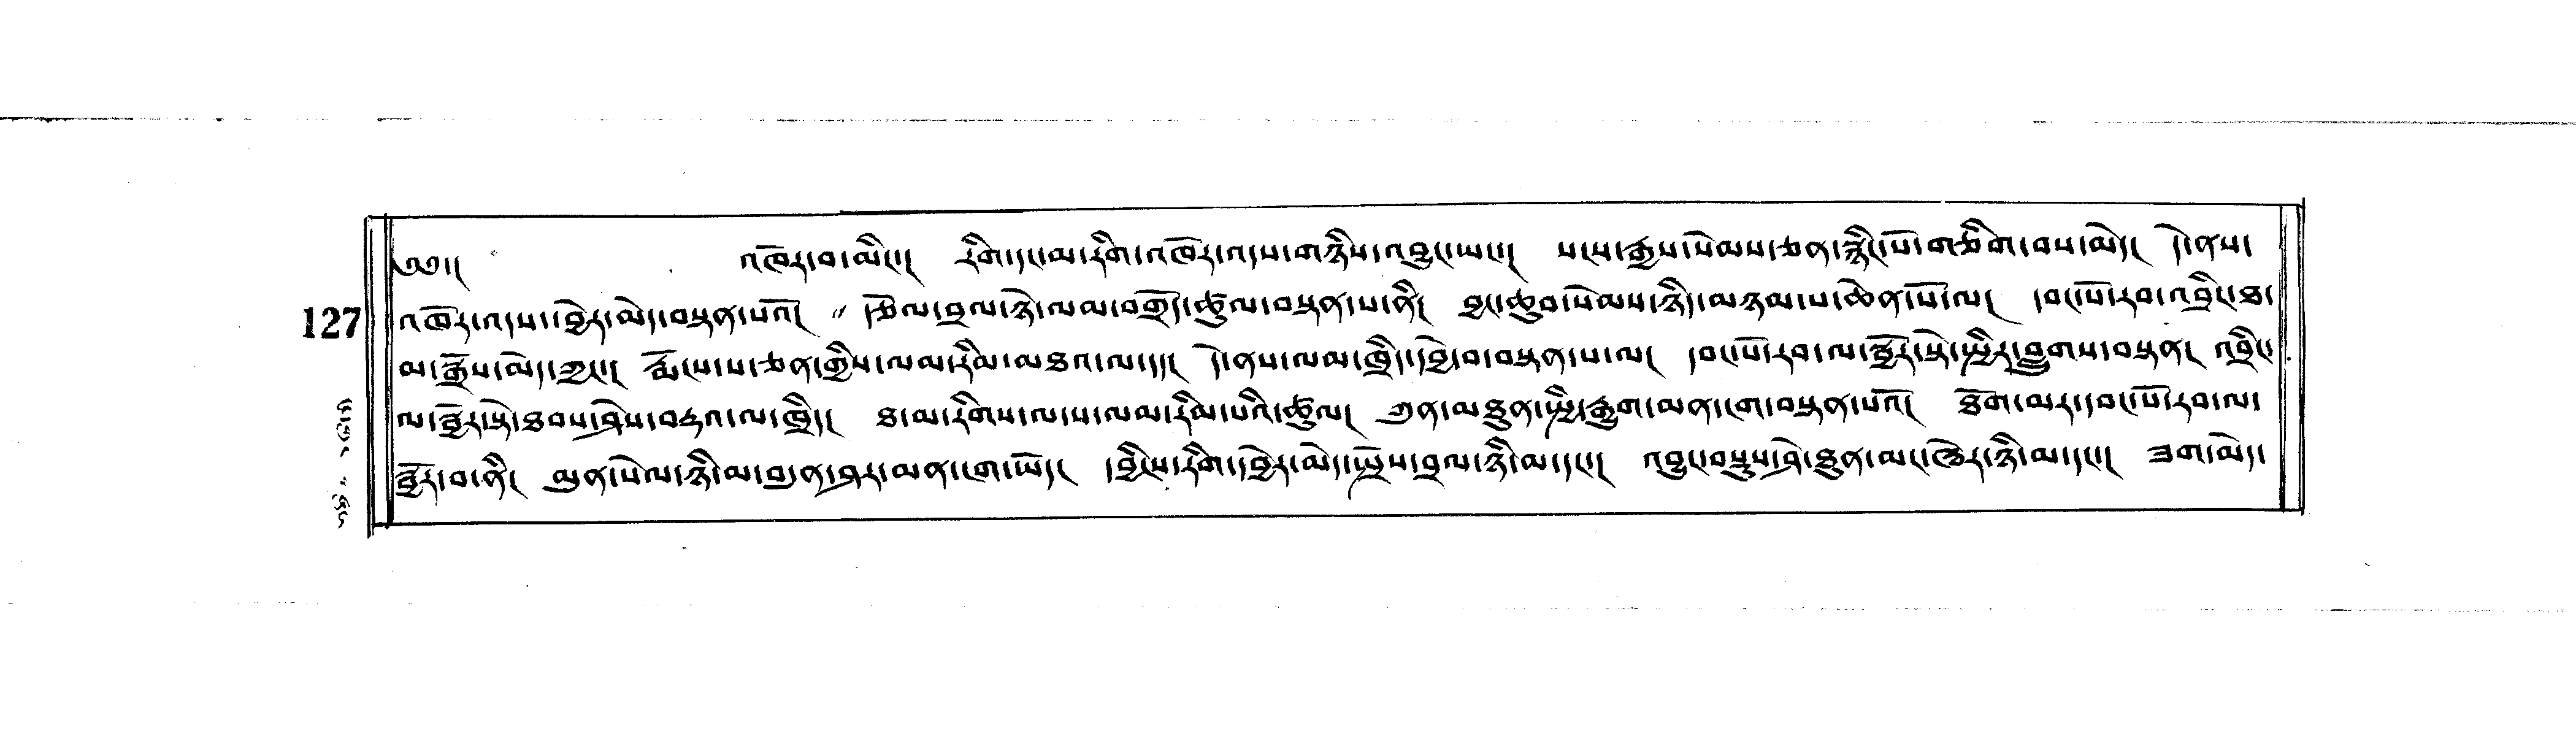འཁོར་བ་མིང་། རིག་དང་མ་རིག་འཁོར་འདས་གཉིས་འབྱུང་ཡང་། སངས་རྒྱས་སེམས་ཅན་སྙིང་པོ་གཅིག་བས་མེད། དེ་ནས་
འཁོར་འདས་དབྱེར་མེད་བསྟན་པའོ། ༧ རྩོལ་བྲལ་ཉེ་ལམ་བགྲོད་ཚུལ་བསྟན་པ་ནི། བྱང་ཆུབ་སེམས་ཉིད་མཉམ་པ་ཆེན་པོ་ལ། དབང་པོ་རབ་འབྲིང་ཐ་
མ་སྒྲོས་མེད་ཀྱང་། རྨོངས་པ་ཅན་གྱིས་ལམ་རིམ་མཐའ་ལ་དད། དེ་ནས་ལམ་ཁྲིད་དབྱེ་བ་བསྟན་པ་ལ། དབང་པོ་རབ་ལ་སྦྱོར་ཏེ་སྤྱིར་བླུགས་བསྟན། འབྲིང་
ལ་སྦྱོར་ཏེ་ཐབས་ཤེས་བརྡ་ལ་ཁྲིད། ཐ་མ་རིགས་ལ་ས་ལམ་རིམ་པའི་ཚུལ། ཀུན་མཐུན་སྤྱི་རྒྱུག་མན་ངག་བསྟན་པའོ། ཐོག་མར་དབང་པོ་རབ་ལ་
སྦྱོར་བ་ནི། མུན་སེལ་ཉི་མ་བདུན་ཤར་མན་ངག་ཡོད། དབྱིངས་རིག་དབྱེར་མེད་སྤྲོས་བྲལ་ཉི་མ་དང་། འབྱུང་བསྡུས་ཤེ་ཐུན་མང་ཝེར་ཉི་མ་དང་། ཟག་མེད་